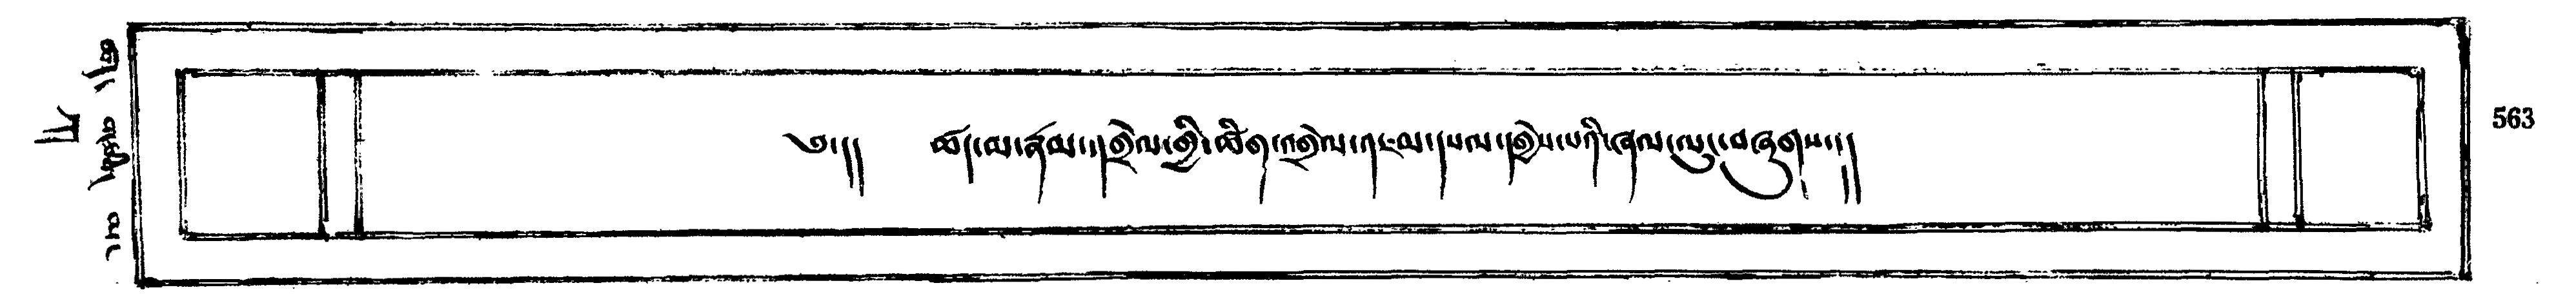༄།། ཚད་མ་རྣམ་འགྲེལ་གྱི་ཚིག་འགྲེལ་འཇམ་དཔལ་དགྱེས་པའི་ཞལ་ལུང་བཞུགས།།